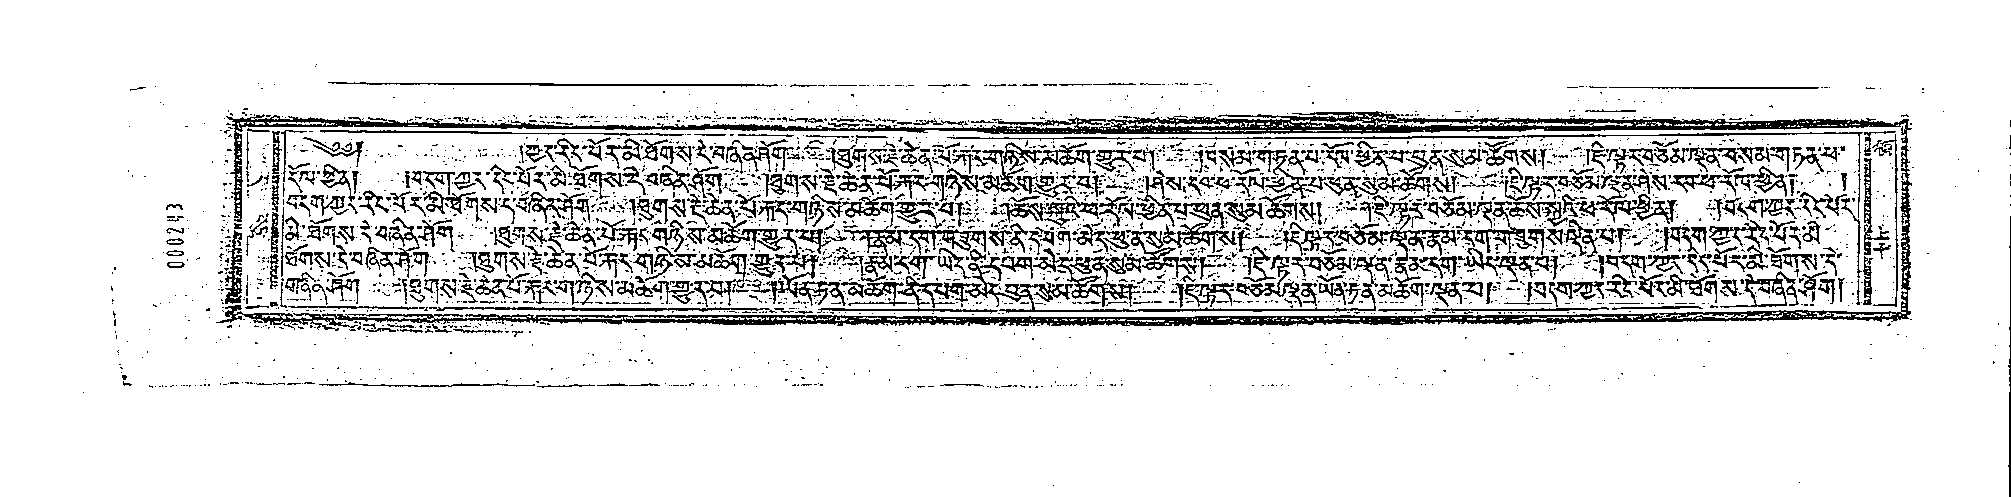༄༅། །ཀྱང་རིང་པོར་མི་ཐོགས་ངེ་བཞིན་ཤོག །ཐུགས་རྗེ་ཆེན་པོ་རྐང་གཉིས་མཆོག་གྱུར་པ། །བསམ་གཏན་ཕ་རོལ་ཕྱིན་པ་ཕུན་སུམ་ཚོགས། །ཇི་ལྟར་བཅོམ་ལྡན་བསམ་གཏན་ཕ་
རོལ་ཕྱིན། །བདག་ཀྱང་རིང་པོར་མི་ཐོགས་དེ་བཞིན་ཤོག །ཐུགས་རྗེ་ཆེན་པོ་རྐང་གཉིས་མཆོག་གྱུར་པ། །ཤེས་རབ་ཕ་རོལ་ཕྱིན་པ་ཕུན་སུམ་ཚོགས། །ཇི་ལྟར་བཅོམ་ལྡན་ཤེས་རབ་ཕ་རོལ་ཕྱིན། །
བདག་ཀྱང་རིང་པོར་མི་ཐོགས་དེ་བཞིན་ཤོག །ཐུགས་རྗེ་ཆེན་པོ་རྐང་གཉིས་མཆོག་གྱུར་པ། །ཆོས་སྐུའི་ཕ་རོལ་ཕྱིན་པ་ཕུན་སུམ་ཚོགས། །ཇི་ལྟར་བཅོམ་ལྡན་ཆོས་སྐྱའི་ཕ་རོལ་ཕྱིན། །བདག་ཀྱང་རིང་པོར་
མི་ཐོགས་དེ་བཞིན་ཤོག །ཐུགས་རྗེ་ཆེན་པོ་རྐང་གཉིས་མཆོག་གྱུར་པ། །རྣམ་དག་གཟུགས་ནི་དཔག་མེད་ཕུན་སུམ་ཚོགས། །ཇི་ལྟར་བཅོམ་ལྡན་རྣམ་དག་གཟུགས་ལྡན་པ། །བདག་ཀྱང་རིང་པོར་མི་
ཐོགས་དེ་བཞིན་ཤོག །ཐུགས་རྗེ་ཆེན་པོ་རྐང་གཉིས་མཆོག་གྱུར་པ། །རྣམ་དག་ཡིད་ནི་དཔག་མེད་ཕུན་སུམ་ཚོགས། །ཇི་ལྟར་བཅོམ་ལྡན་རྣམ་དག་ཡིད་ལྡན་པ། །བདག་ཀྱང་རིང་པོར་མི་ཐོགས་དེ་
བཞིན་ཤོག །ཐུགས་རྗེ་ཆེན་པོ་རྐང་གཉིས་མཆོག་གྱུར་པ། །ཡོན་ཏན་མཆོག་ནི་དཔག་མེད་ཕུན་སུམ་ཚོགས། །ཇི་ལྟར་བཅོམ་ལྡན་ཡོན་ཏན་མཆོག་ལྡན་པ། །བདག་ཀྱང་རིང་པོར་མི་ཐོགས་དེ་བཞིན་ཤོག།